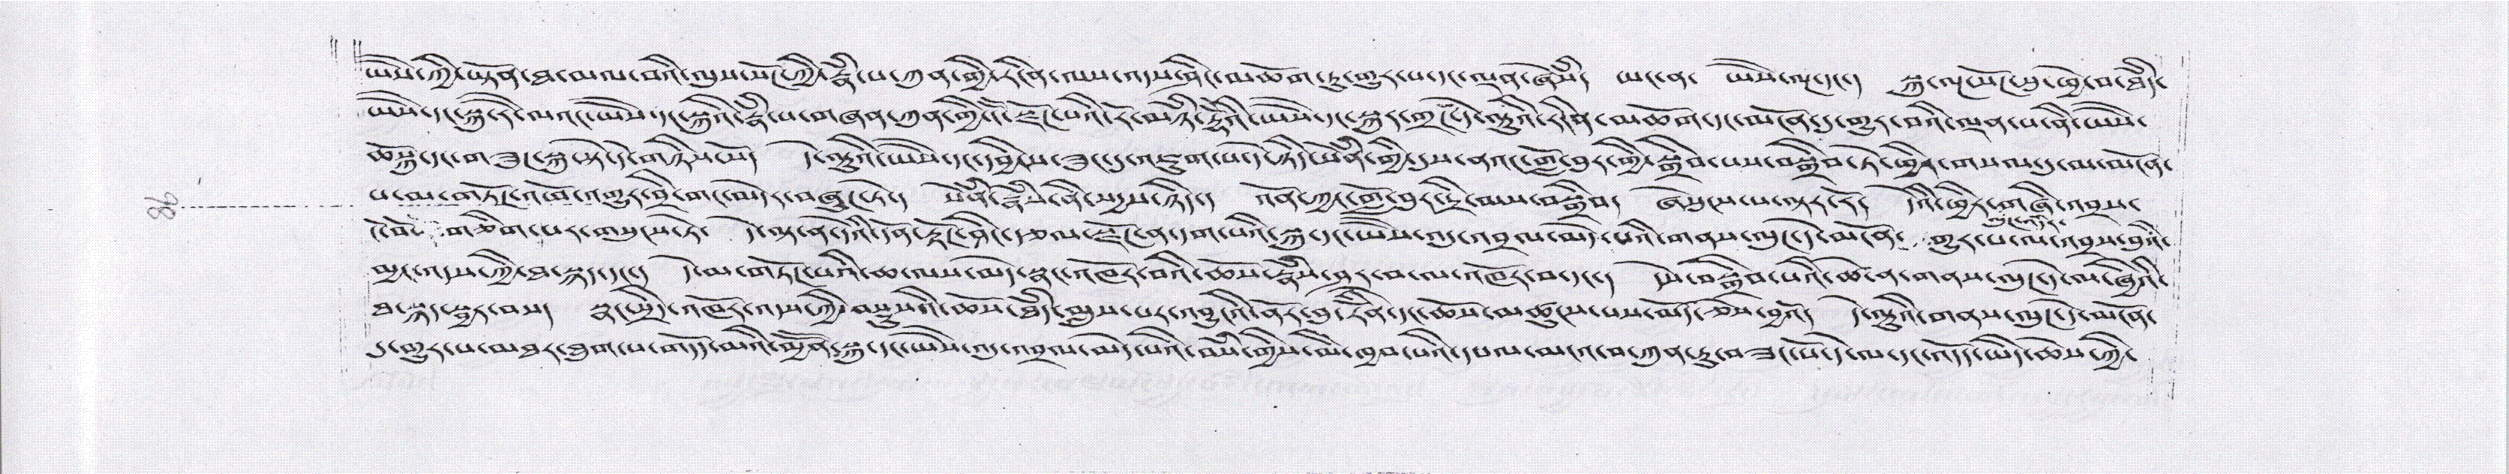ཡེ་ཤེས་ཀྱི་ཡོན་ཏན་ཐ་མལ་བའི་ལུས་སོགས་ཀྱི་རྣམ་པ་ཀུན་གྱི་རང་བཞིན་ལས་འདས་ཤིང་མཆོག་ཏུ་གྱུར་པ་དང་ལྡན་ཞེས་སམ། ཡང་ན་ཡེ་ཤེས་ལྔ་དང་། སྐུ་ལྔ་སོགས་སུ་ཕྱེ་བ་ཐམས་ཅད་
ཡེ་ཤེས་དང་སྐུ་རེ་རེ་ལའང་ཡེ་ཤེས་དང་སྐུའི་རྣམ་པ་གཞན་ཀུན་གྱི་ངོ་བོ་རྫོགས་པའི་རོ་མཉམ་རྡོ་རྗེའི་ཡེ་ཤེས་དང་སྐུར་གྲགས་པ་དེ་ལྟ་བུའི་རང་བ་བཞིན་མཆོག་དང་མངོན་དུ་གྱུར་པའི་ལྡན་པ་ནི་ཡེ་ཤེས་
ཆོས་སྐུ་དང་གཟུགས་སྐུ་སྟེ་དེ་གཉིས་སོ། དེ་ལྟ་བུའི་ཡེ་ཤེས་དང་དབྱིངས་ཟུང་དུ་འཇུག་པ་དེ་ཉིད་སེམས་ཅན་གྱི་དུས་ནའང་གློ་བུར་གྱི་སྒྲིབ་པས་བསྒྲིབས་ཏེ་ཕྱིར་གསལ་དུ་མ་མངོན་
པ་མ་གཏོགས་འཕོ་འགྱུར་བྲི་གང་མེད་པར་བཞུགས་ཏེ། སེམས་ཅན་རྣམས་ནི་སངས་རྒྱས་ཉིད། འོན་ཀྱང་གློ་བུར་དྲི་མས་བསྒྲིབས། ཞེས་གསུངས་པ་ལྟར་རོ། དེའི་ཕྱིར་ལུགས་འདིར་གཞི་འབྲས་
ངོ་བོ་གཅིག་པར་གསུངས་ཏེ། དེ་ལྟ་ན་དེའི་དོན་རྟོགས་ཤིང་རྩལ་རྫོགས་ན་དག་པའི་སྐུ་དང་ཡེ་ཤེས་འདུ་འབྲལ་མེད་པའི་གནས་ལུགས་དེ་མངོན་དུ་གྱུར་པ་ལ་འབྲས་བུའི་
མྱང་འདས་ཀྱི་ཐ་སྙད་དང་། དེ་མ་རྟོགས་པའི་ཆ་ལས་མེད་སྣང་འཁོར་བའི་ཆོས་རྣམས་ཤར་བ་ལ་འཁོར་བ་དང་། དེས་བསྒྲིབས་པའི་ཚེ་ན་གནས་ལུགས་དེ་ལ་གཞིའི་
ཐ་སྙད་སྦྱར་བས། སྣང་སྲིད་འཁོར་འདས་ཀྱིས་བསྡུས་པའི་ཆོས་ཐམས་ཅད་མ་ལུས་པར་འབྱུང་བའི་ནོར་བུ་རིན་པོ་ཆེ་དང་ཆོས་མཚུངས་པས་མཛོད་ཅེས་བྱའོ། དེ་ལྟ་བུའི་གནས་ལུགས་ད་མངོན་
དུ་གྱུར་པ་མཐར་ཐུག་པ་གདོད་མའི་ཡོན་ཏན་སྐུ་དང་ཡེ་ཤེས་འདུ་འབྲལ་མེད་པའི་བསམ་གྱིས་མི་ཁྱབ་པའི་དཔལ་མངའ་བ་ཀུན་ཏུ་བཟང་པོ་དེ་ལ་དང་འདོད་ཡིད་ཆེས་ཀྱི་